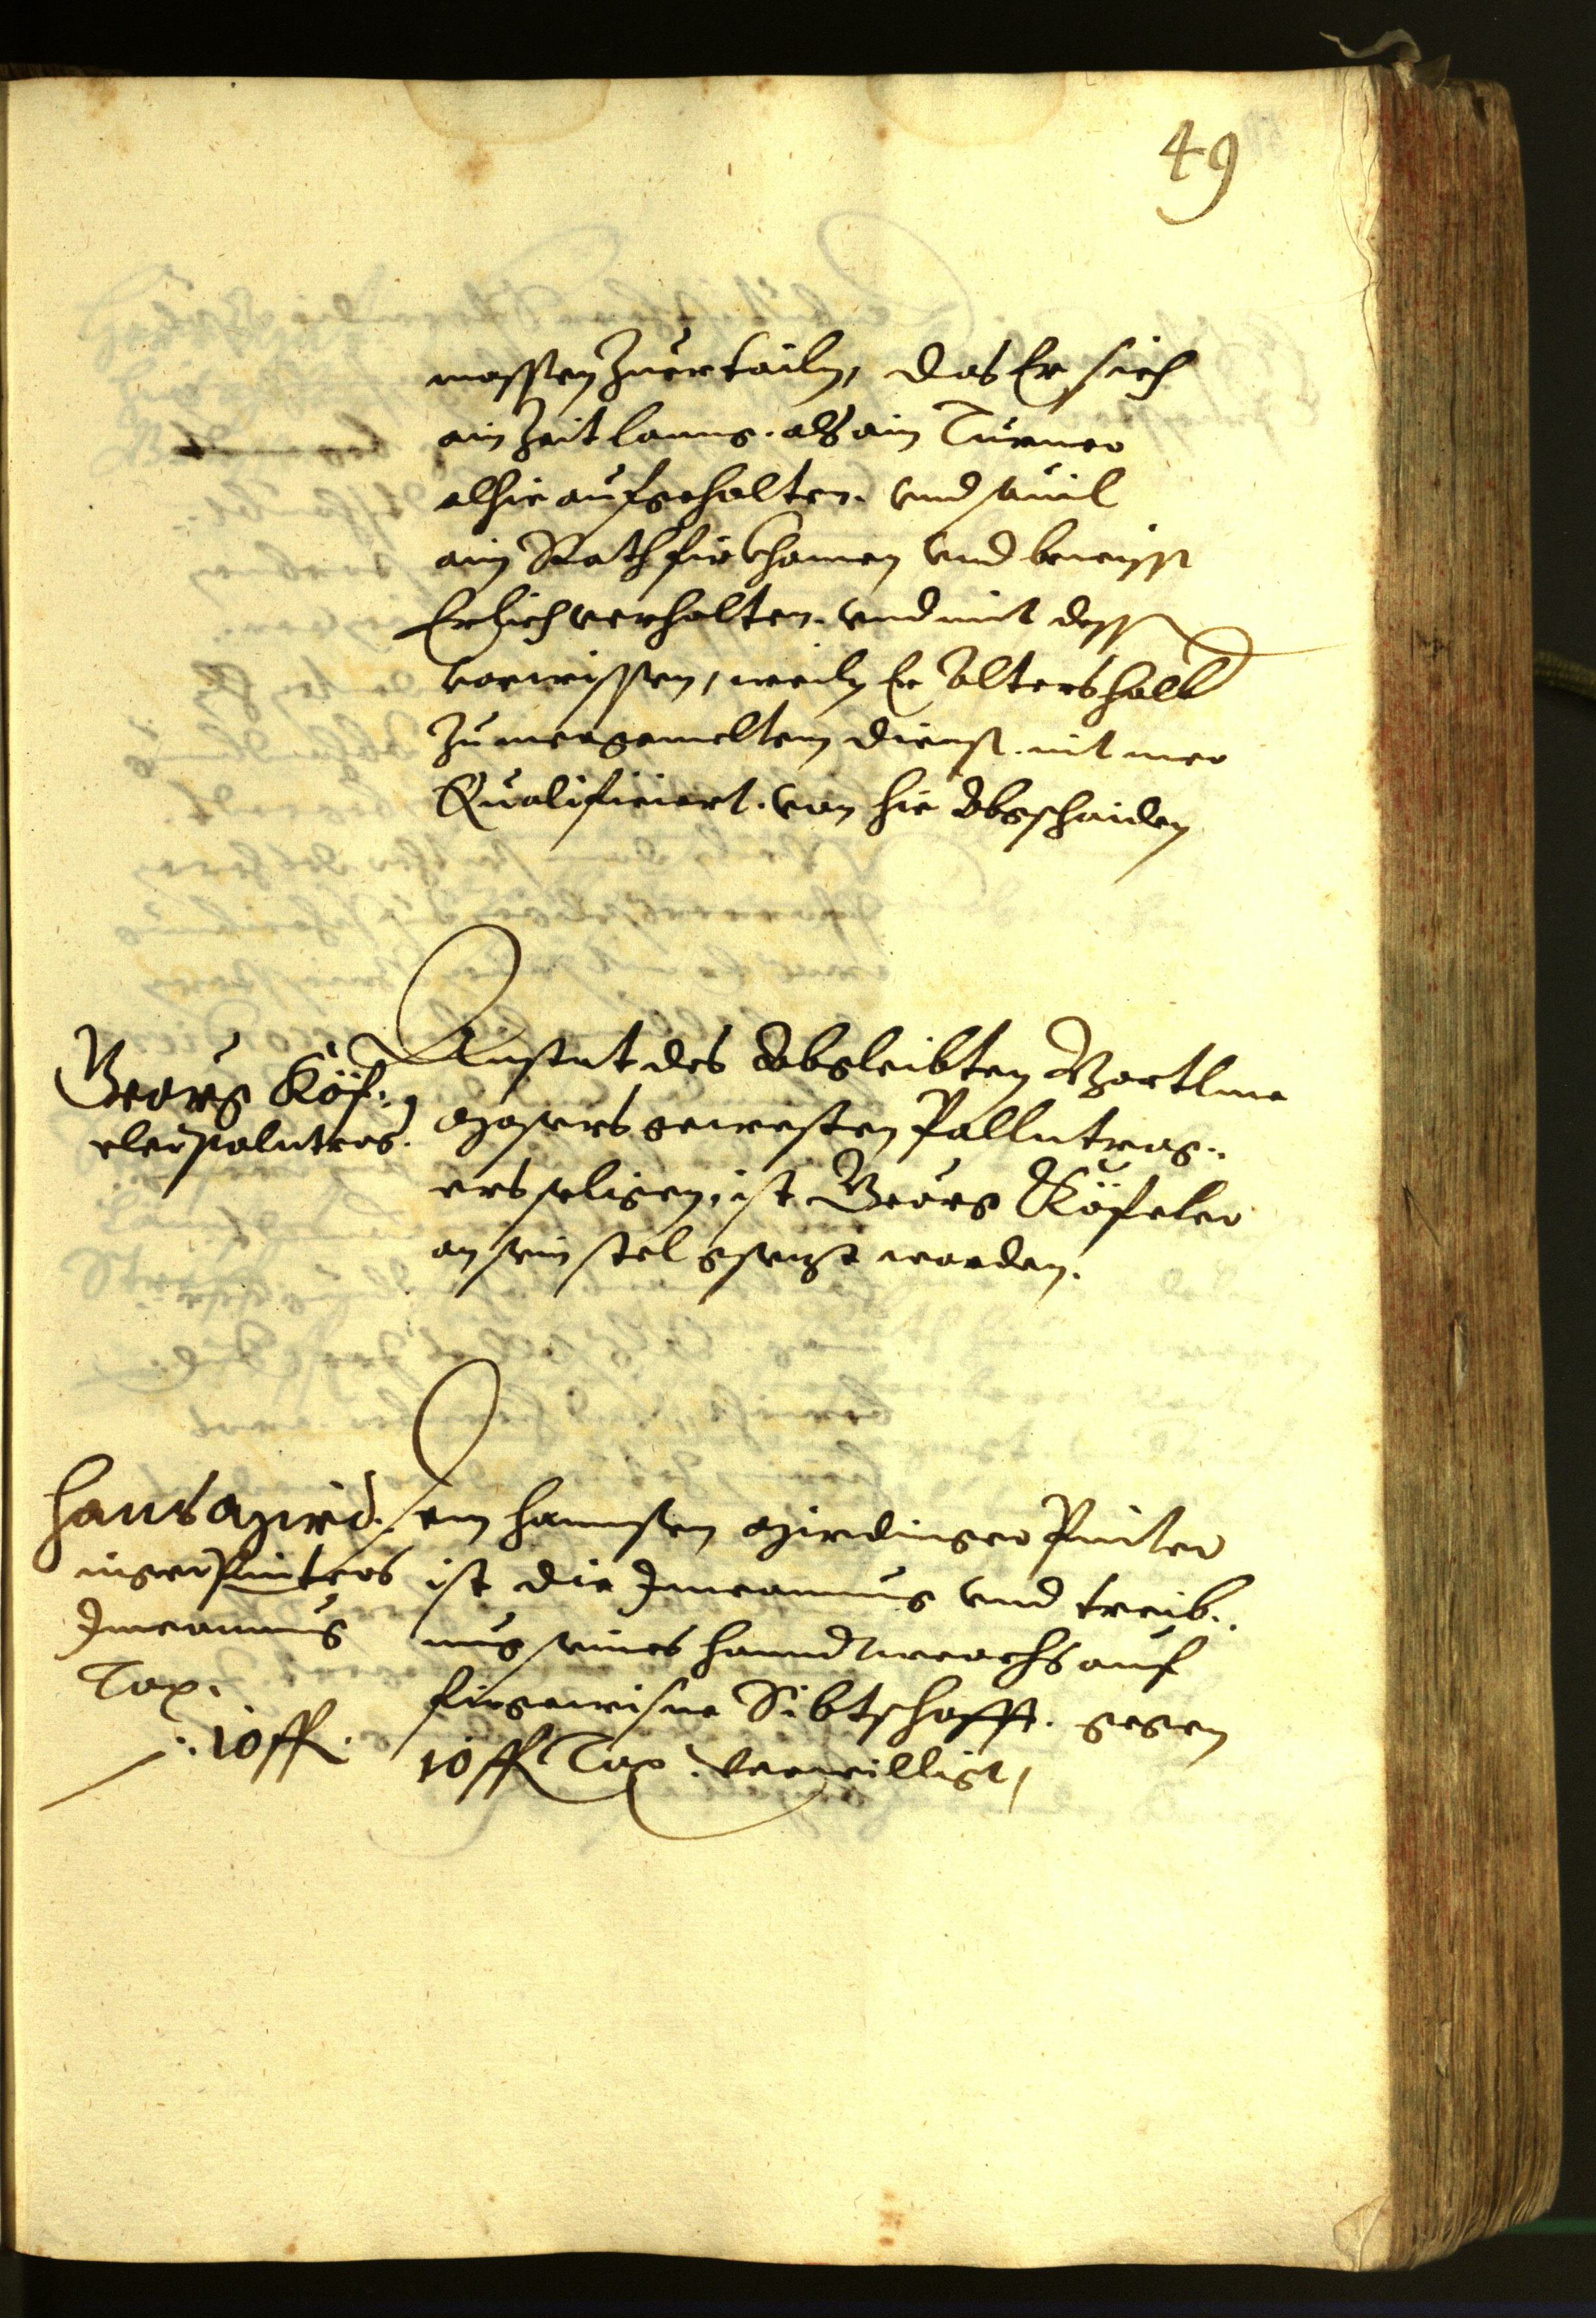49
massen Zūerteilen, das Er sich
ain Zeit lanng. als ain Tūrner
alhie aūfgehalten. vnd soūil
ain Rath firkhomen vnd beweisst
Erlich verhalten. vnd mit dess
Vorwissen, weiln Er Alters halb
Zū mergemeltem dienst. nit mer
Qūalificiert. von hie Abschaiden
Anstat des Abgleibten Bartlme
Mosers gewesten Pallntrag¬
ers seligen. ist Geōrg Köfeler
an sein stel gsetzt worden.
Geōrg Köf¬
eler Palntrag.
Hans Mird¬
inger Pinters
Inwonūng
Tax.
—: 10 fl.
Dem hannsen Mirdinger Pinter
ist die Inwonnūng vnd treib¬
ūng seines hanndtwerchs aūf
firgewisner Sibtschafft. gegen
10 fl Tax. verwilligt,